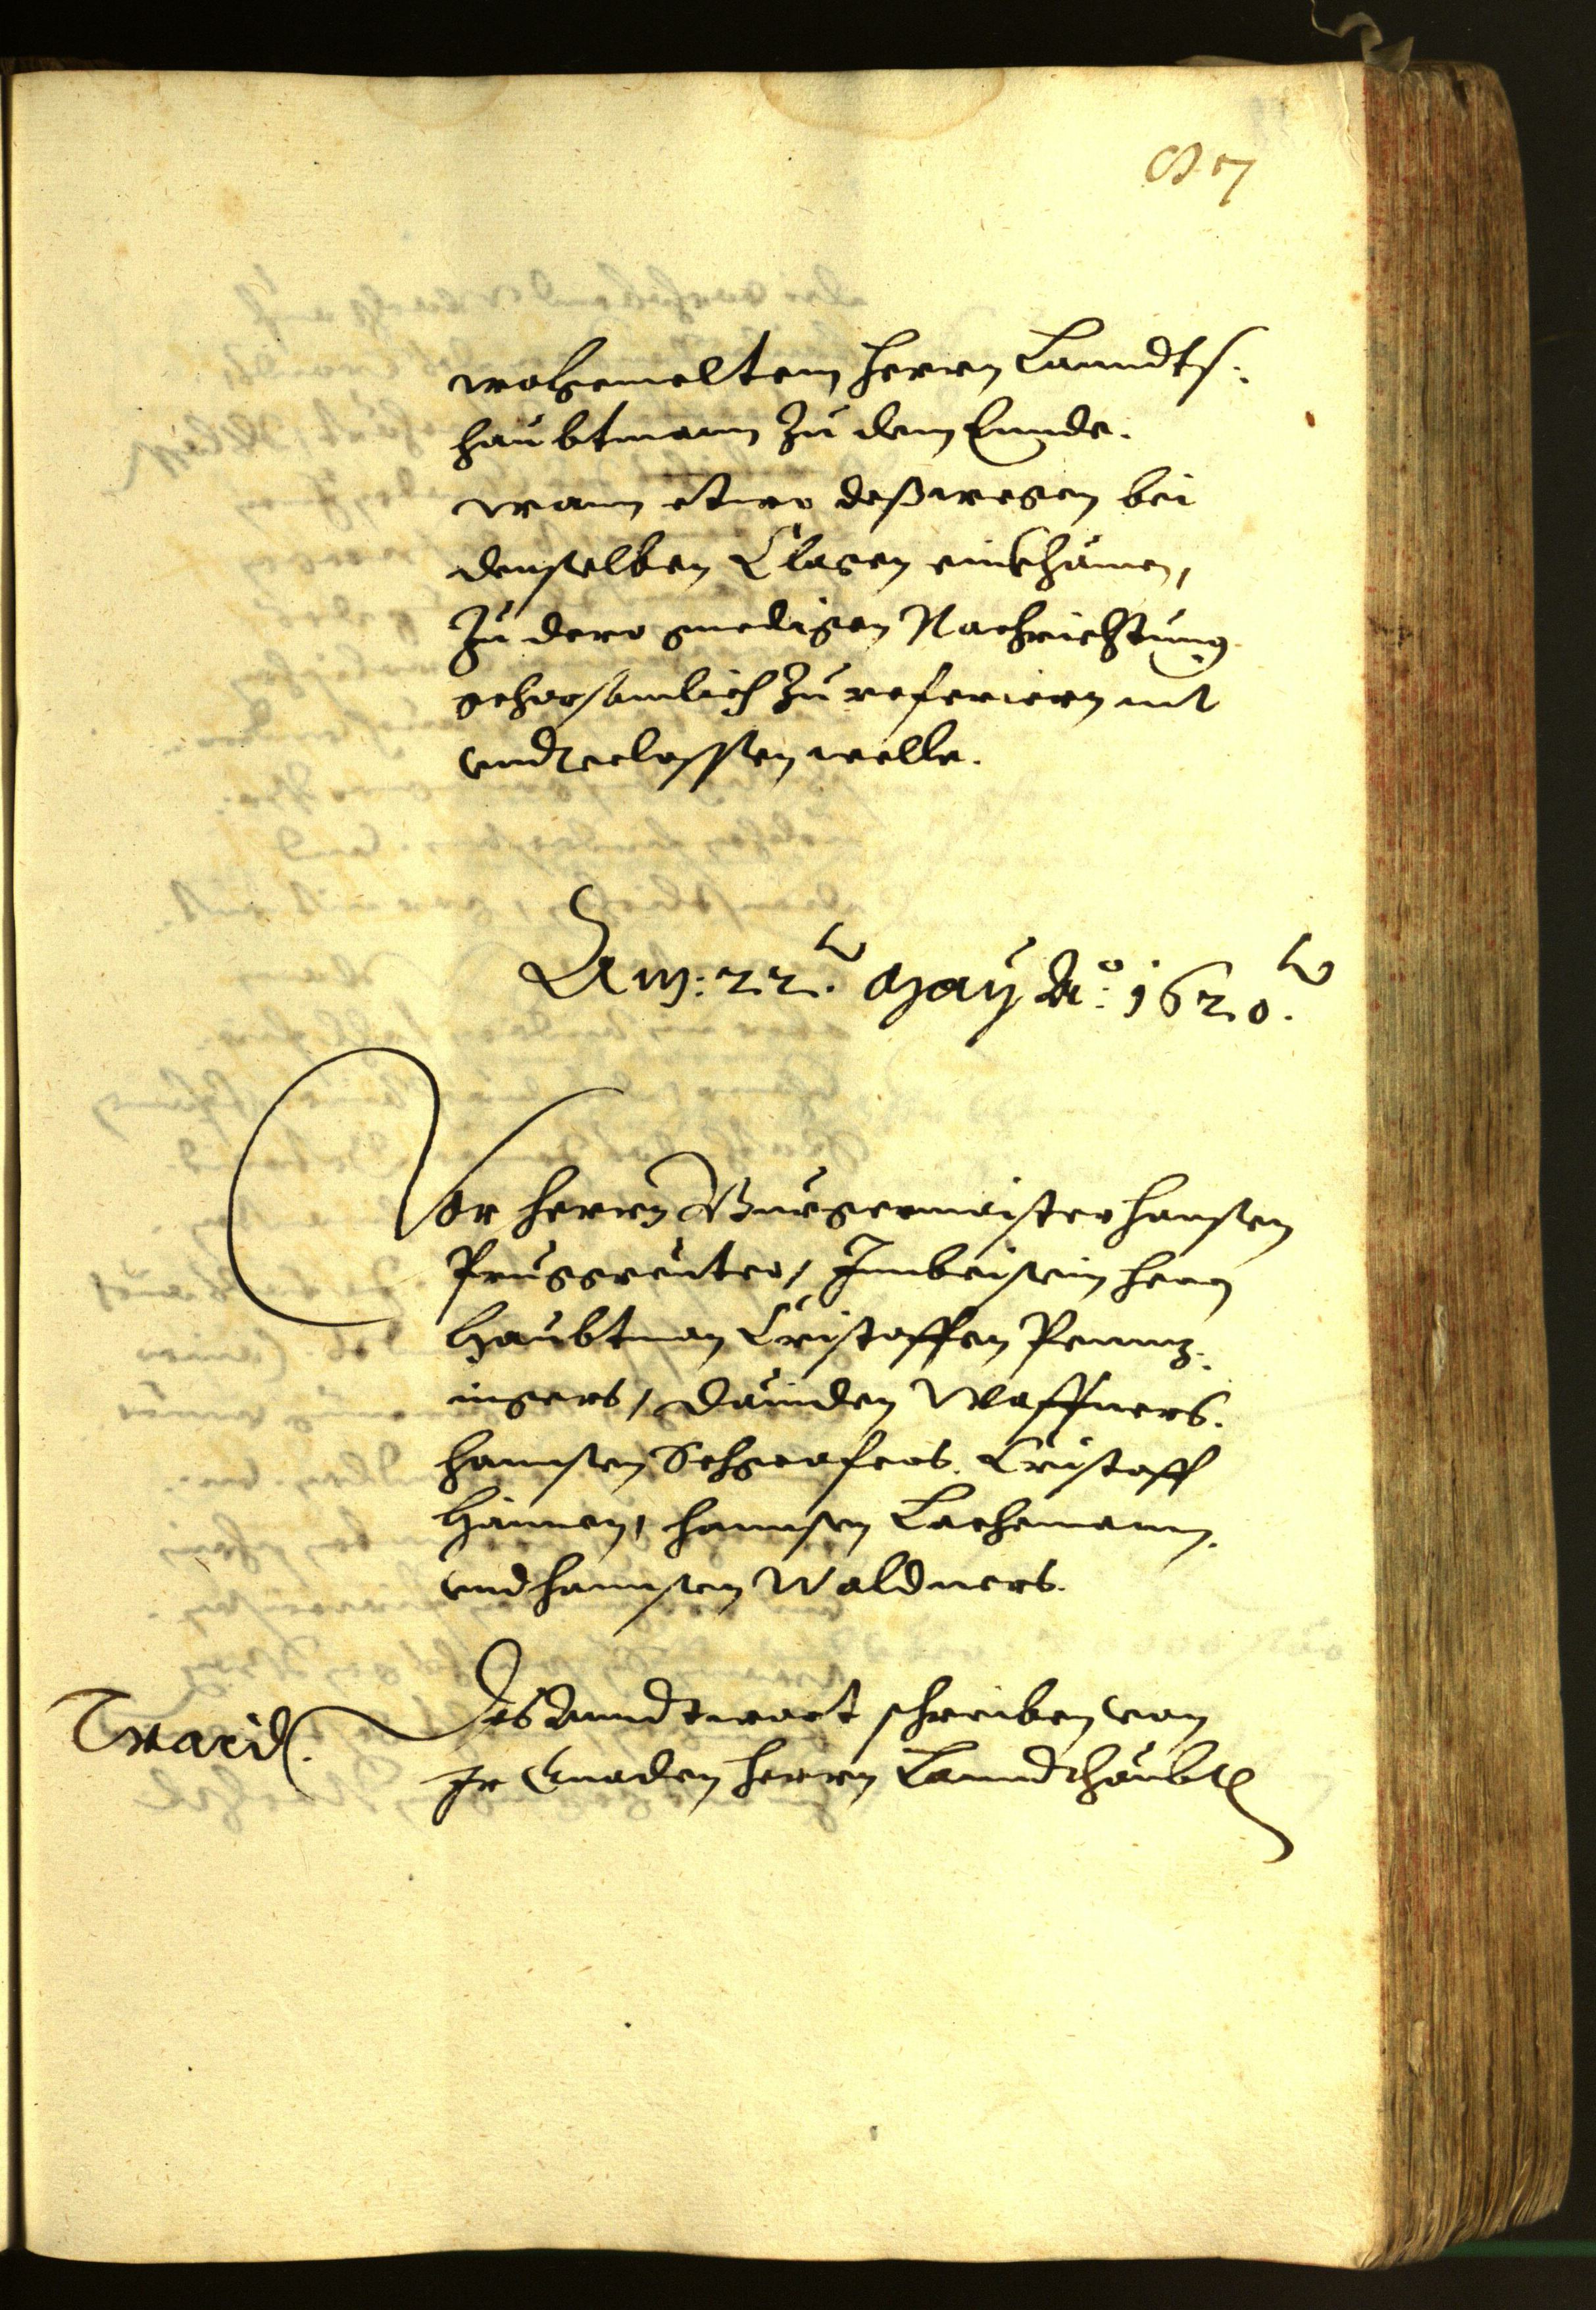87
wolgemeltem herrn Lanndts¬
haūbtmann Zū dem Ennde.
wann etwa deßwegen bei
demselben Clagen einkhāmen,
Zū dero gnedigen Nachrichtūng
gehorsamlich Zū referiern nit
vndterlassen welle.
t t
Am: 22. Maȳ Ao: 1620.
Vor herrn Būrgermaister hansen
Prūggreūter, Innbeisein herrn
Haūbtman Cristoffen Pennz¬
ingers, Daūiden Waffners.
hannsen Schgrafers. Cristoff
Haimen, hannsen Lochemann.
vnd hannsen Waldners.
Dis Anndtwort schreiben von
Ir Gnaden herrn Lanndthaūbt
Traid.